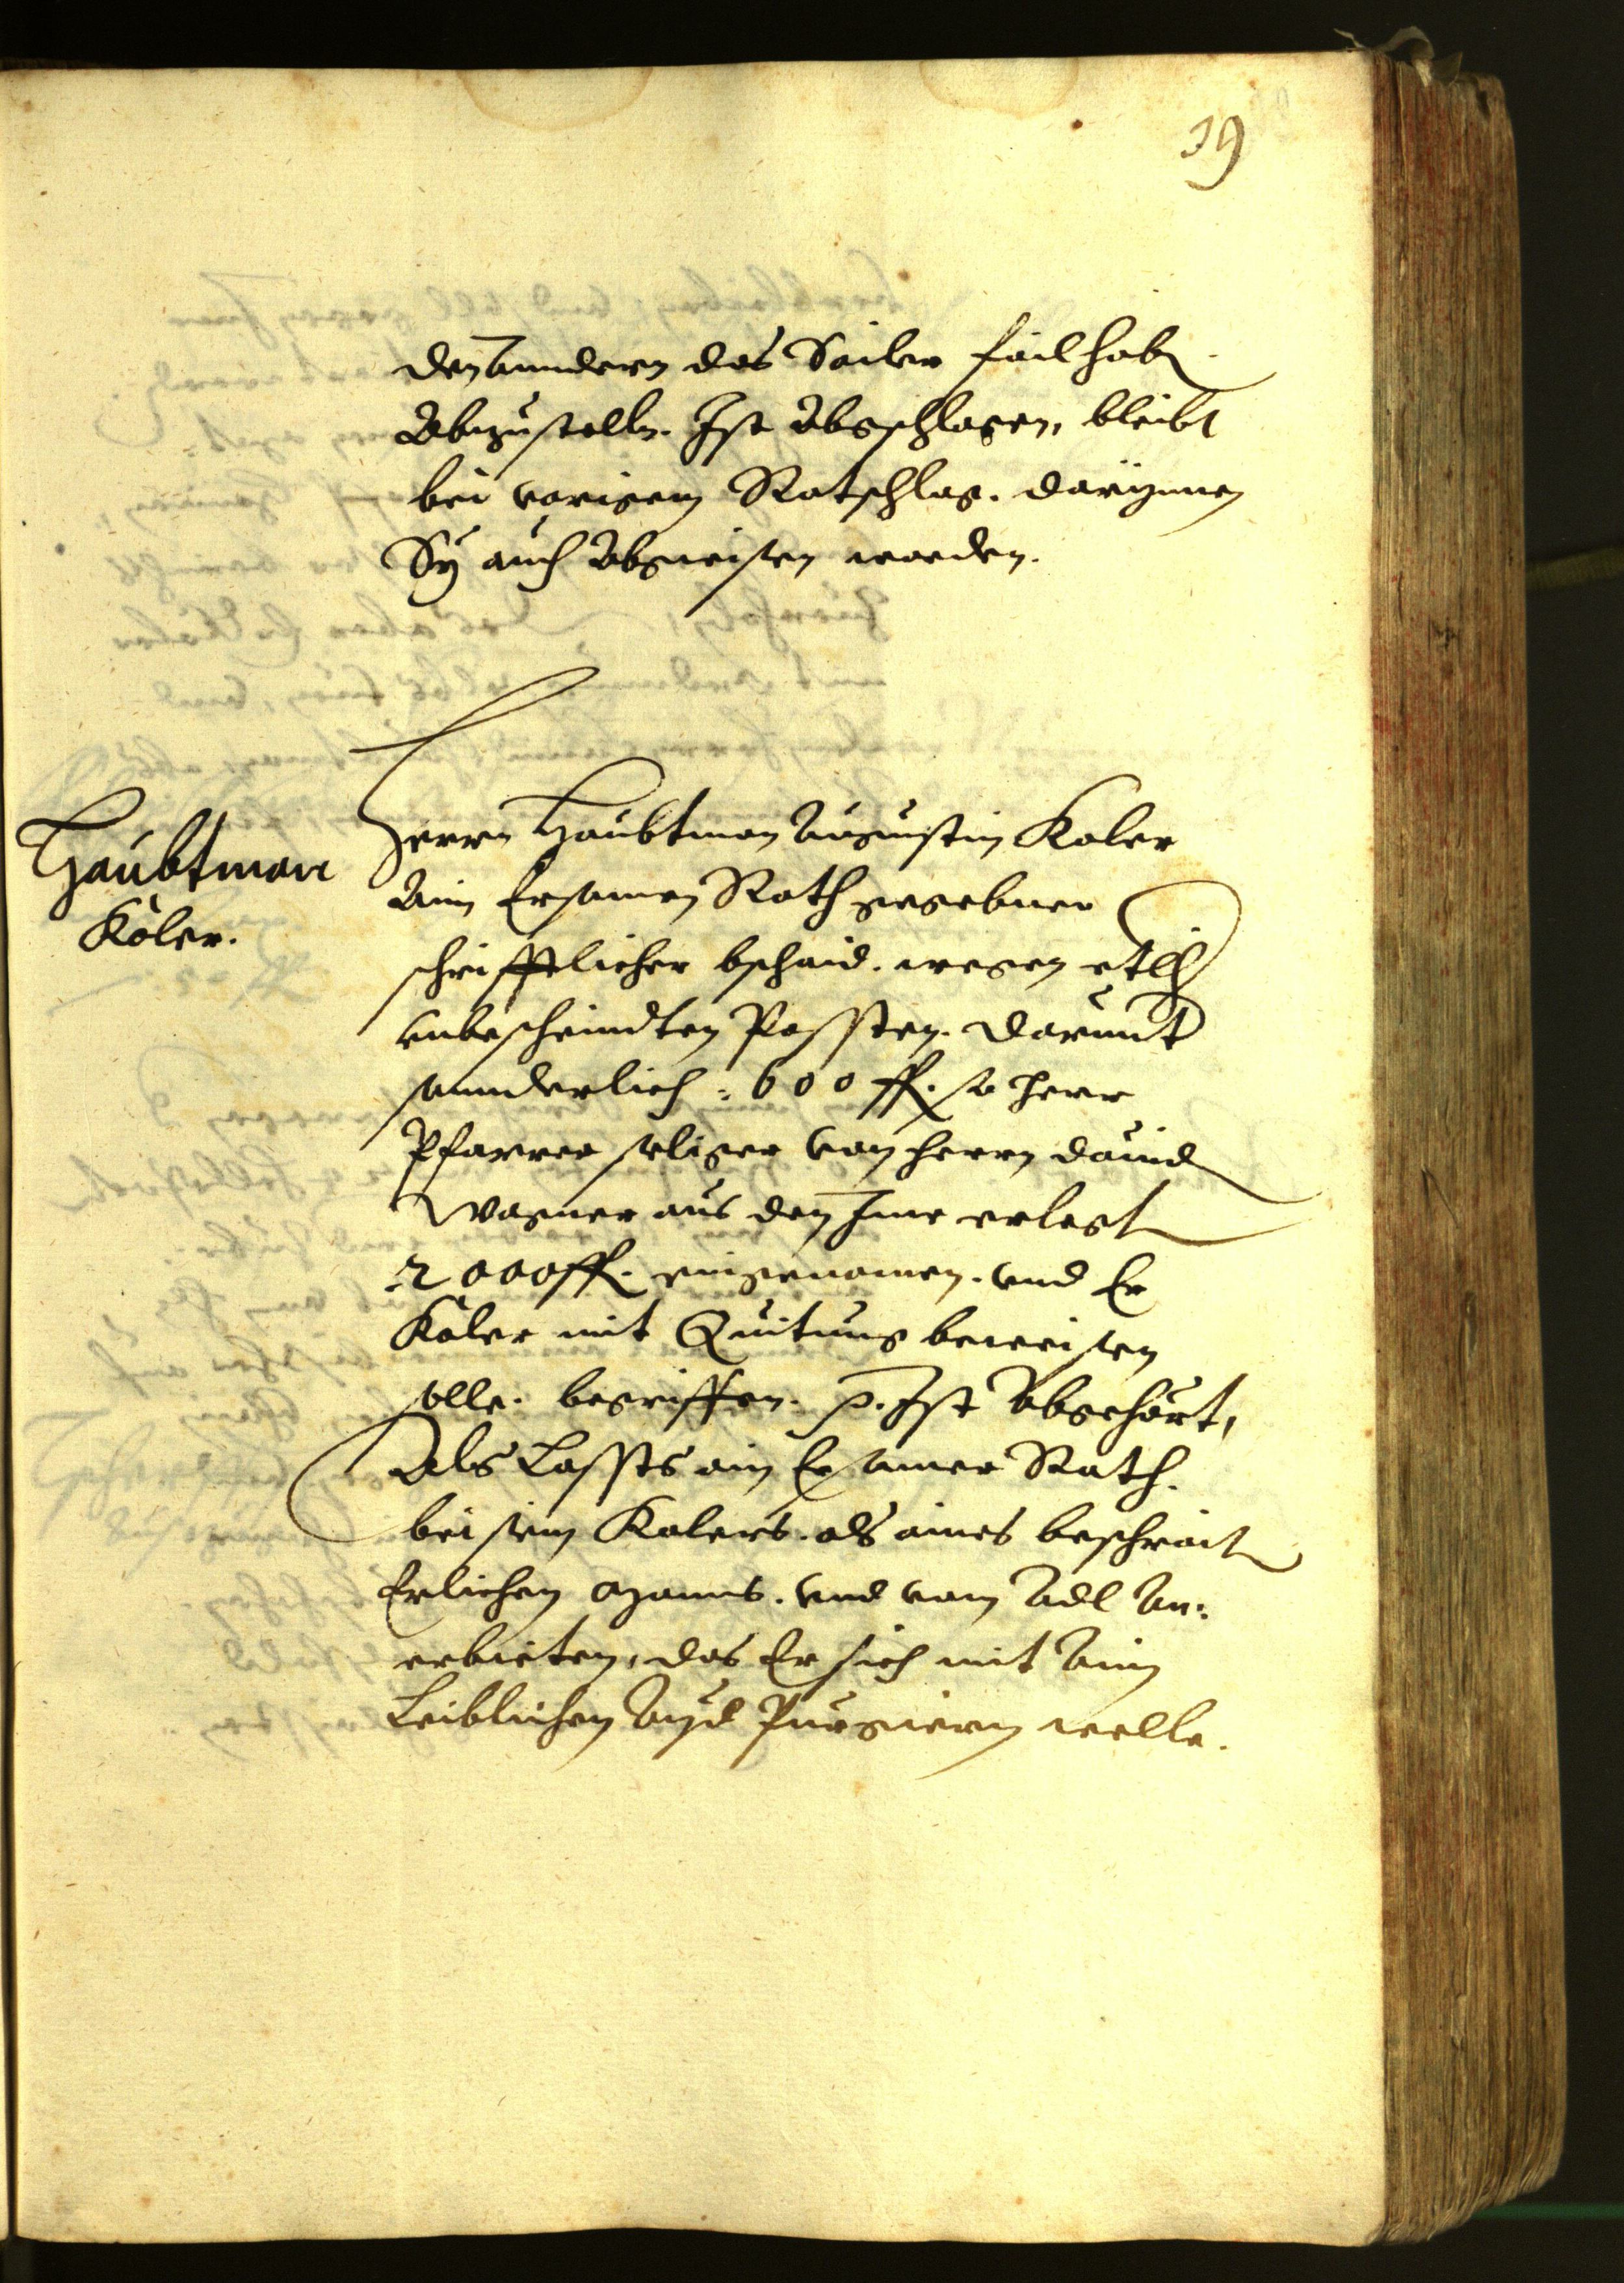19
den Anndern das Sailer fail hab
Abzūstelln. Ist Abgschlagen, bleibt
bei vorigem Ratschlag. darÿnnen
Sȳ aūch Abgwisen worden.
Herrn Haūbtman Aūgūstin Koler
Aim Ersamen Rath gegebner
schrifftlicher bschaid. wegen etlich
vnbescheindten Possten. darūnt
sonnderlich: 600 fl. so herr
Pfarrer seliger von herrn daūid
Wagner aūs den Ime erlegt
.2000 fl. eingenomen. vnd Er
Koler mit Qūitūng beweisen
solle. begriffen etc. Ist Abgehōrt,
Als Lassts ain Ersamer Rath.
bei sein Kolers. als aines beschrait
Erlichen Manns. vnd vom Adl An¬
erbieten, das Er sich mit Aim
Leiblichen Aȳd Pūrgiern welle.
Haūbtman
Kōler.